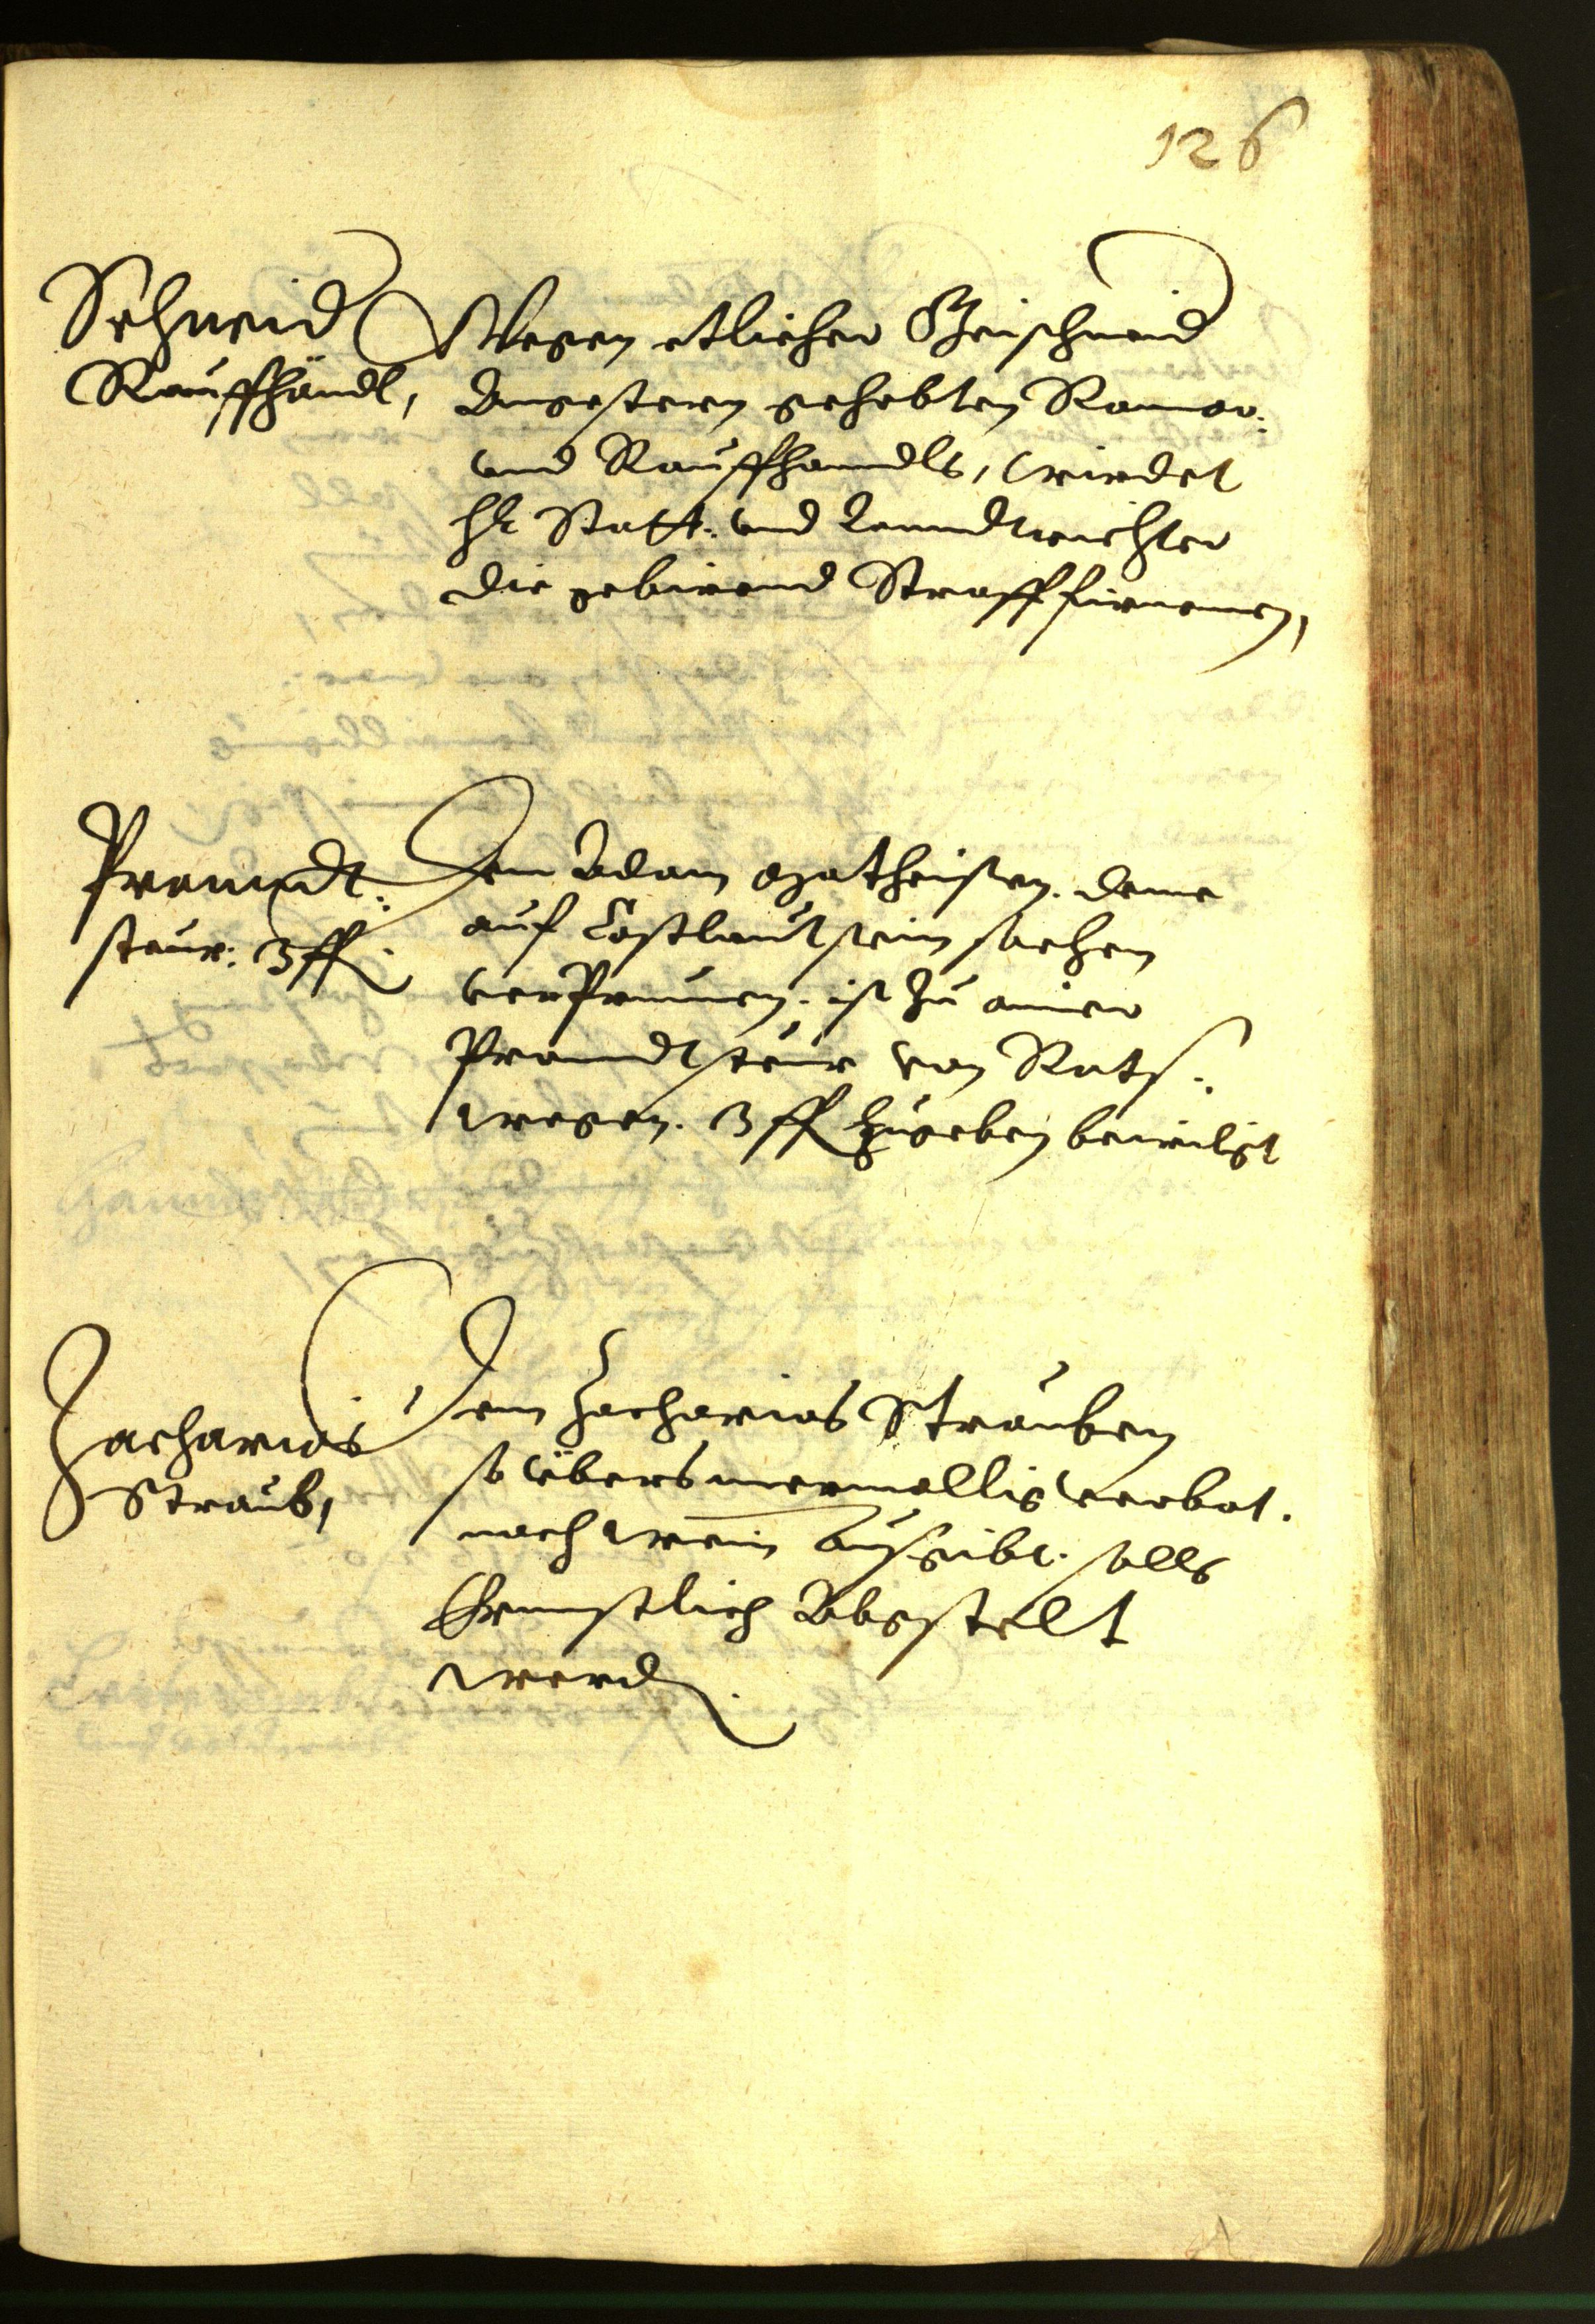126
Schneid
Raūffhändl,
Wegen etlicher Beischneid
Angestern gehebten Romor¬
vnd Raūffhanndls, wirdet
hl Statt: vnd Lanndtrichter
die gebirend Straff firnemen,
Dem Adam Matheisen. deme
aūf Castlrūt sein sachen
verPrūnnen. ist Zū ainer
Pranndtsteūr von Rats¬
wegen. 3 fl Zūgeben bewiligt
Pranndt¬
steūr: 3 fl.
Dem Zacharias Straūben
So v̈bers mermallig verbot.
noch wein Aūsgibt. solls
Ernnstlich Abgstelt
werd.
Zacharias
Straūb,